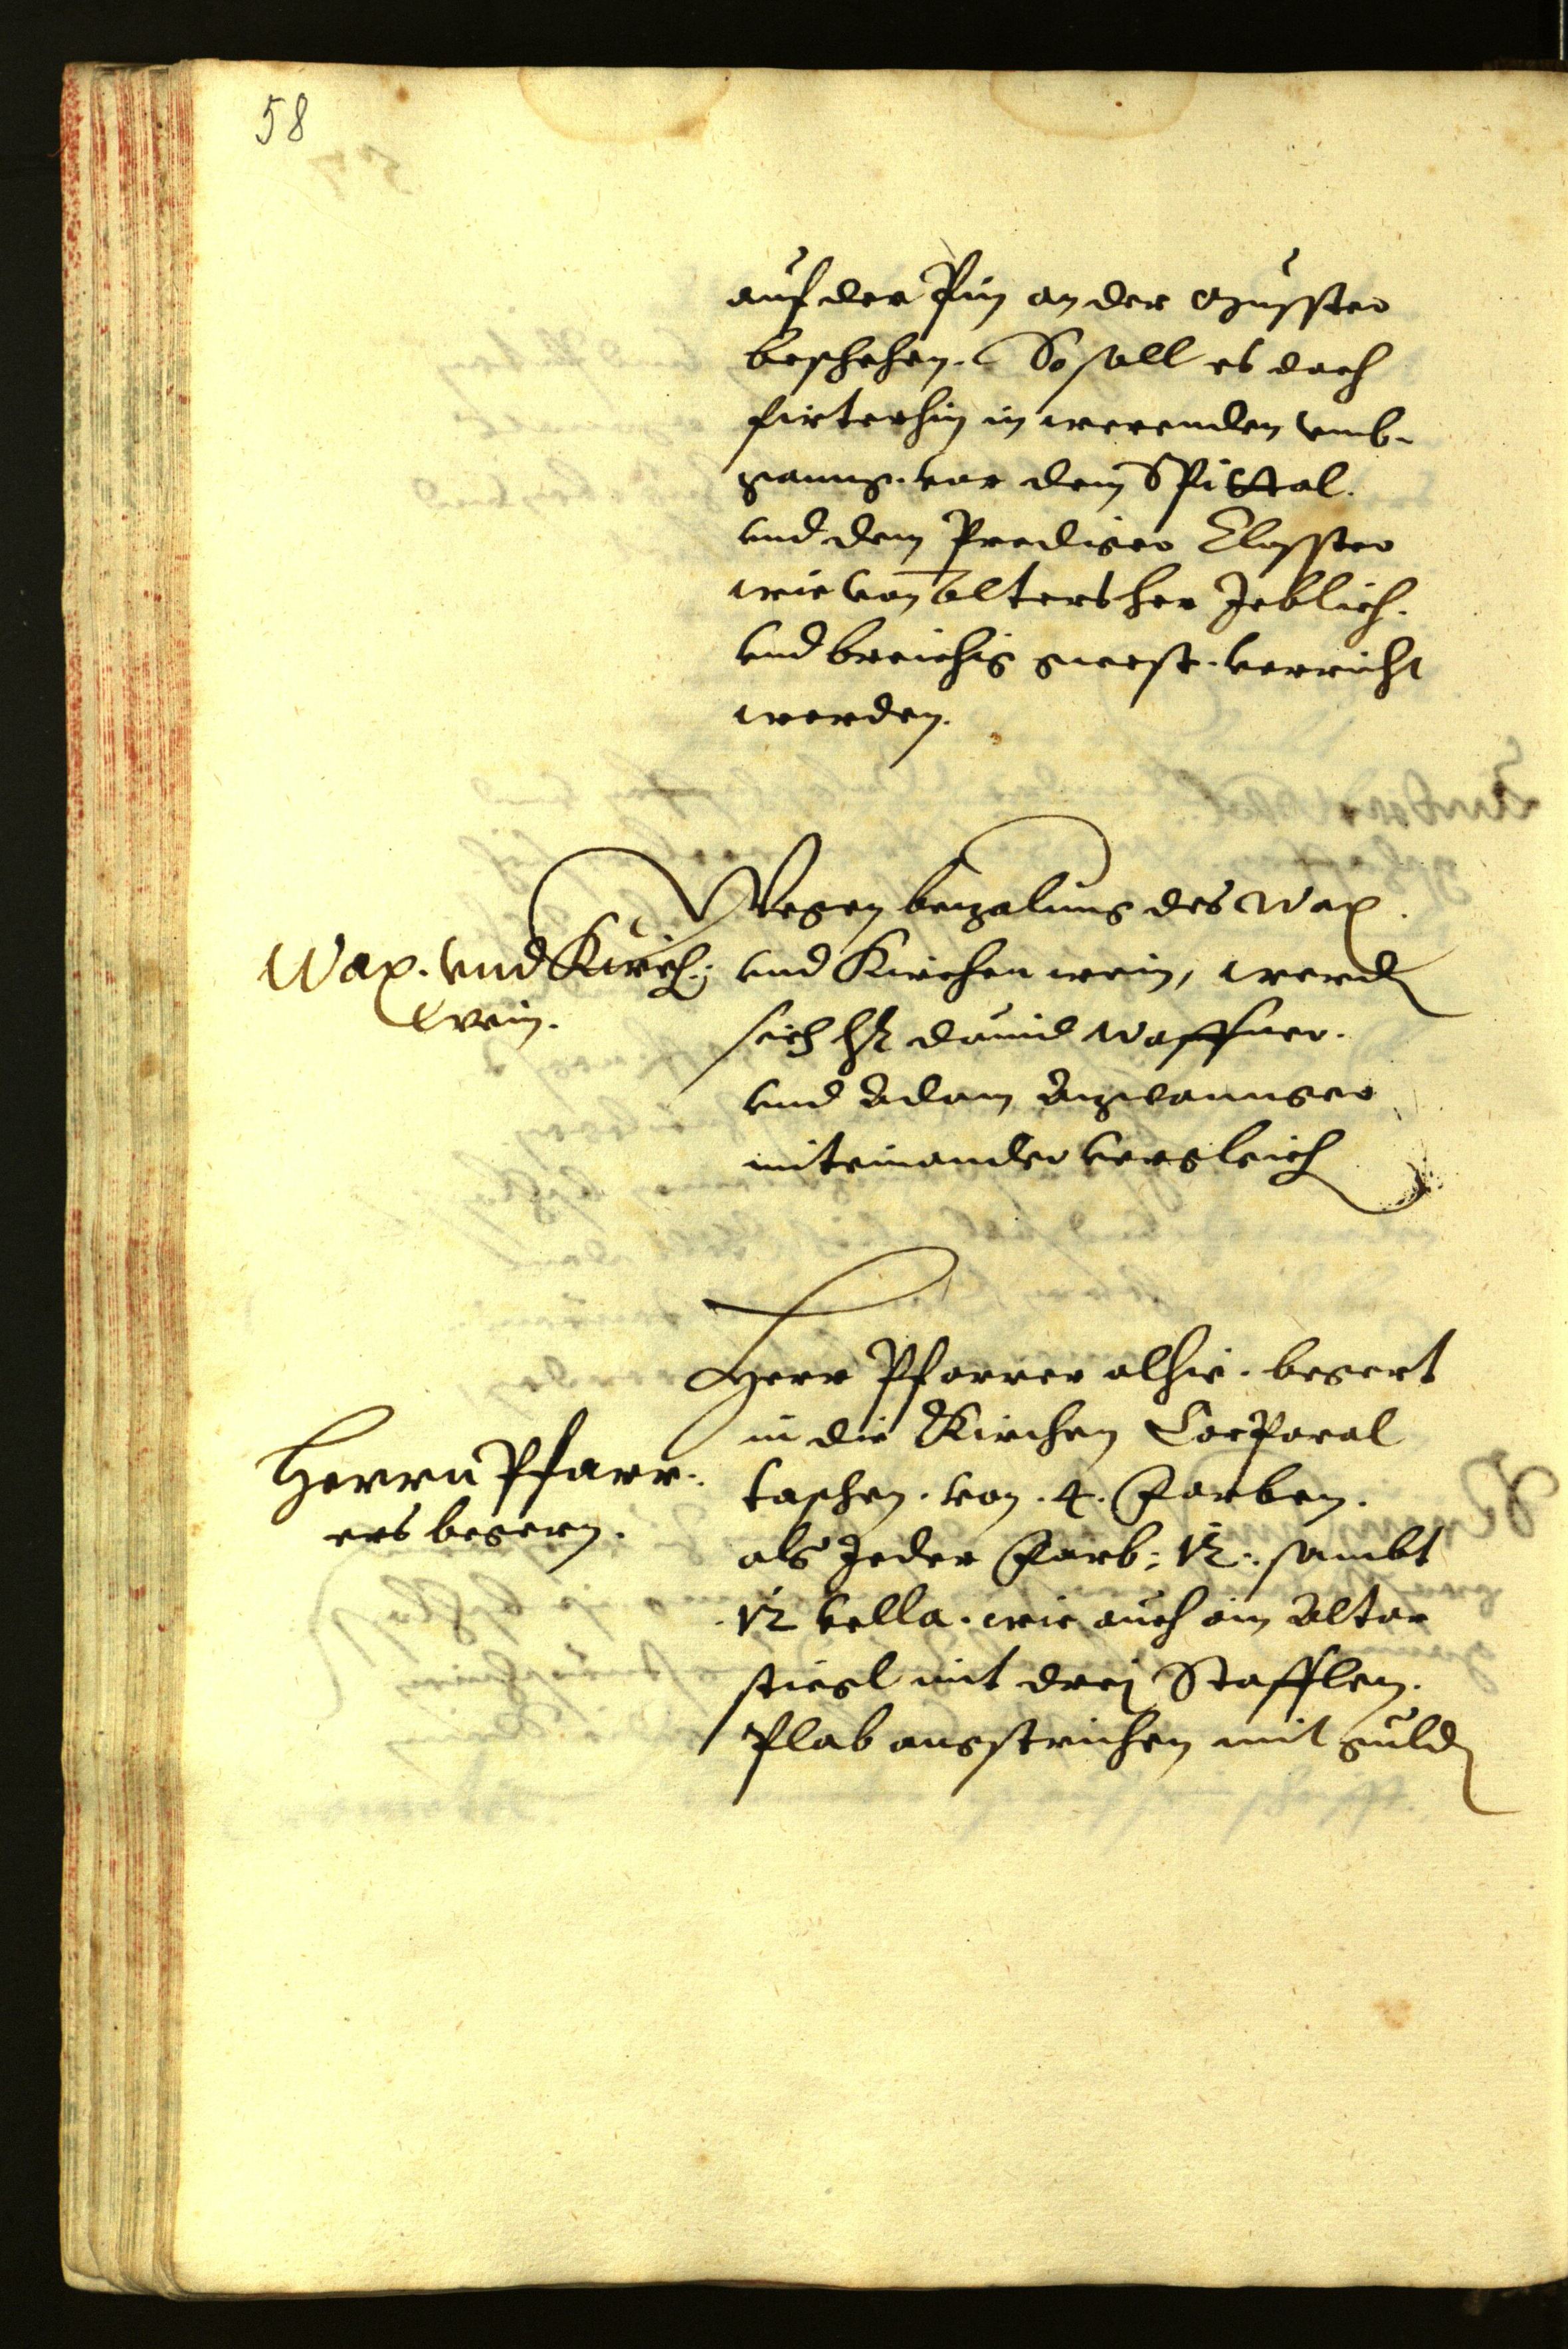58
aūf der Pin an der Mūsster
beschehen. So soll es doch
firterhin in werenden vmb¬
ganng. vor dem Spittal.
vnd dem Prediger Closster
wie von Alters her Jeblich.
vnd breichig gwest. verricht
werden.
Wegen bezalūng des Wax
vnd Kirchenwein, werd
sich hl Daūid Waffner.
vnd Adam Azwannger
miteinander vergleich.
Wax. vnd Kirch¬
wein.
Herr Pfarrer alhie begert
in die Kirchen CorPoral
taschen. von .4. Farben.
als Jeder Farb: 12: sambt
12 vella. wie aūch ain Altar
stiegl mit drej Stafflen.
Plab angstrichen mit gūld
Herrn Pfarr¬
ers begern.